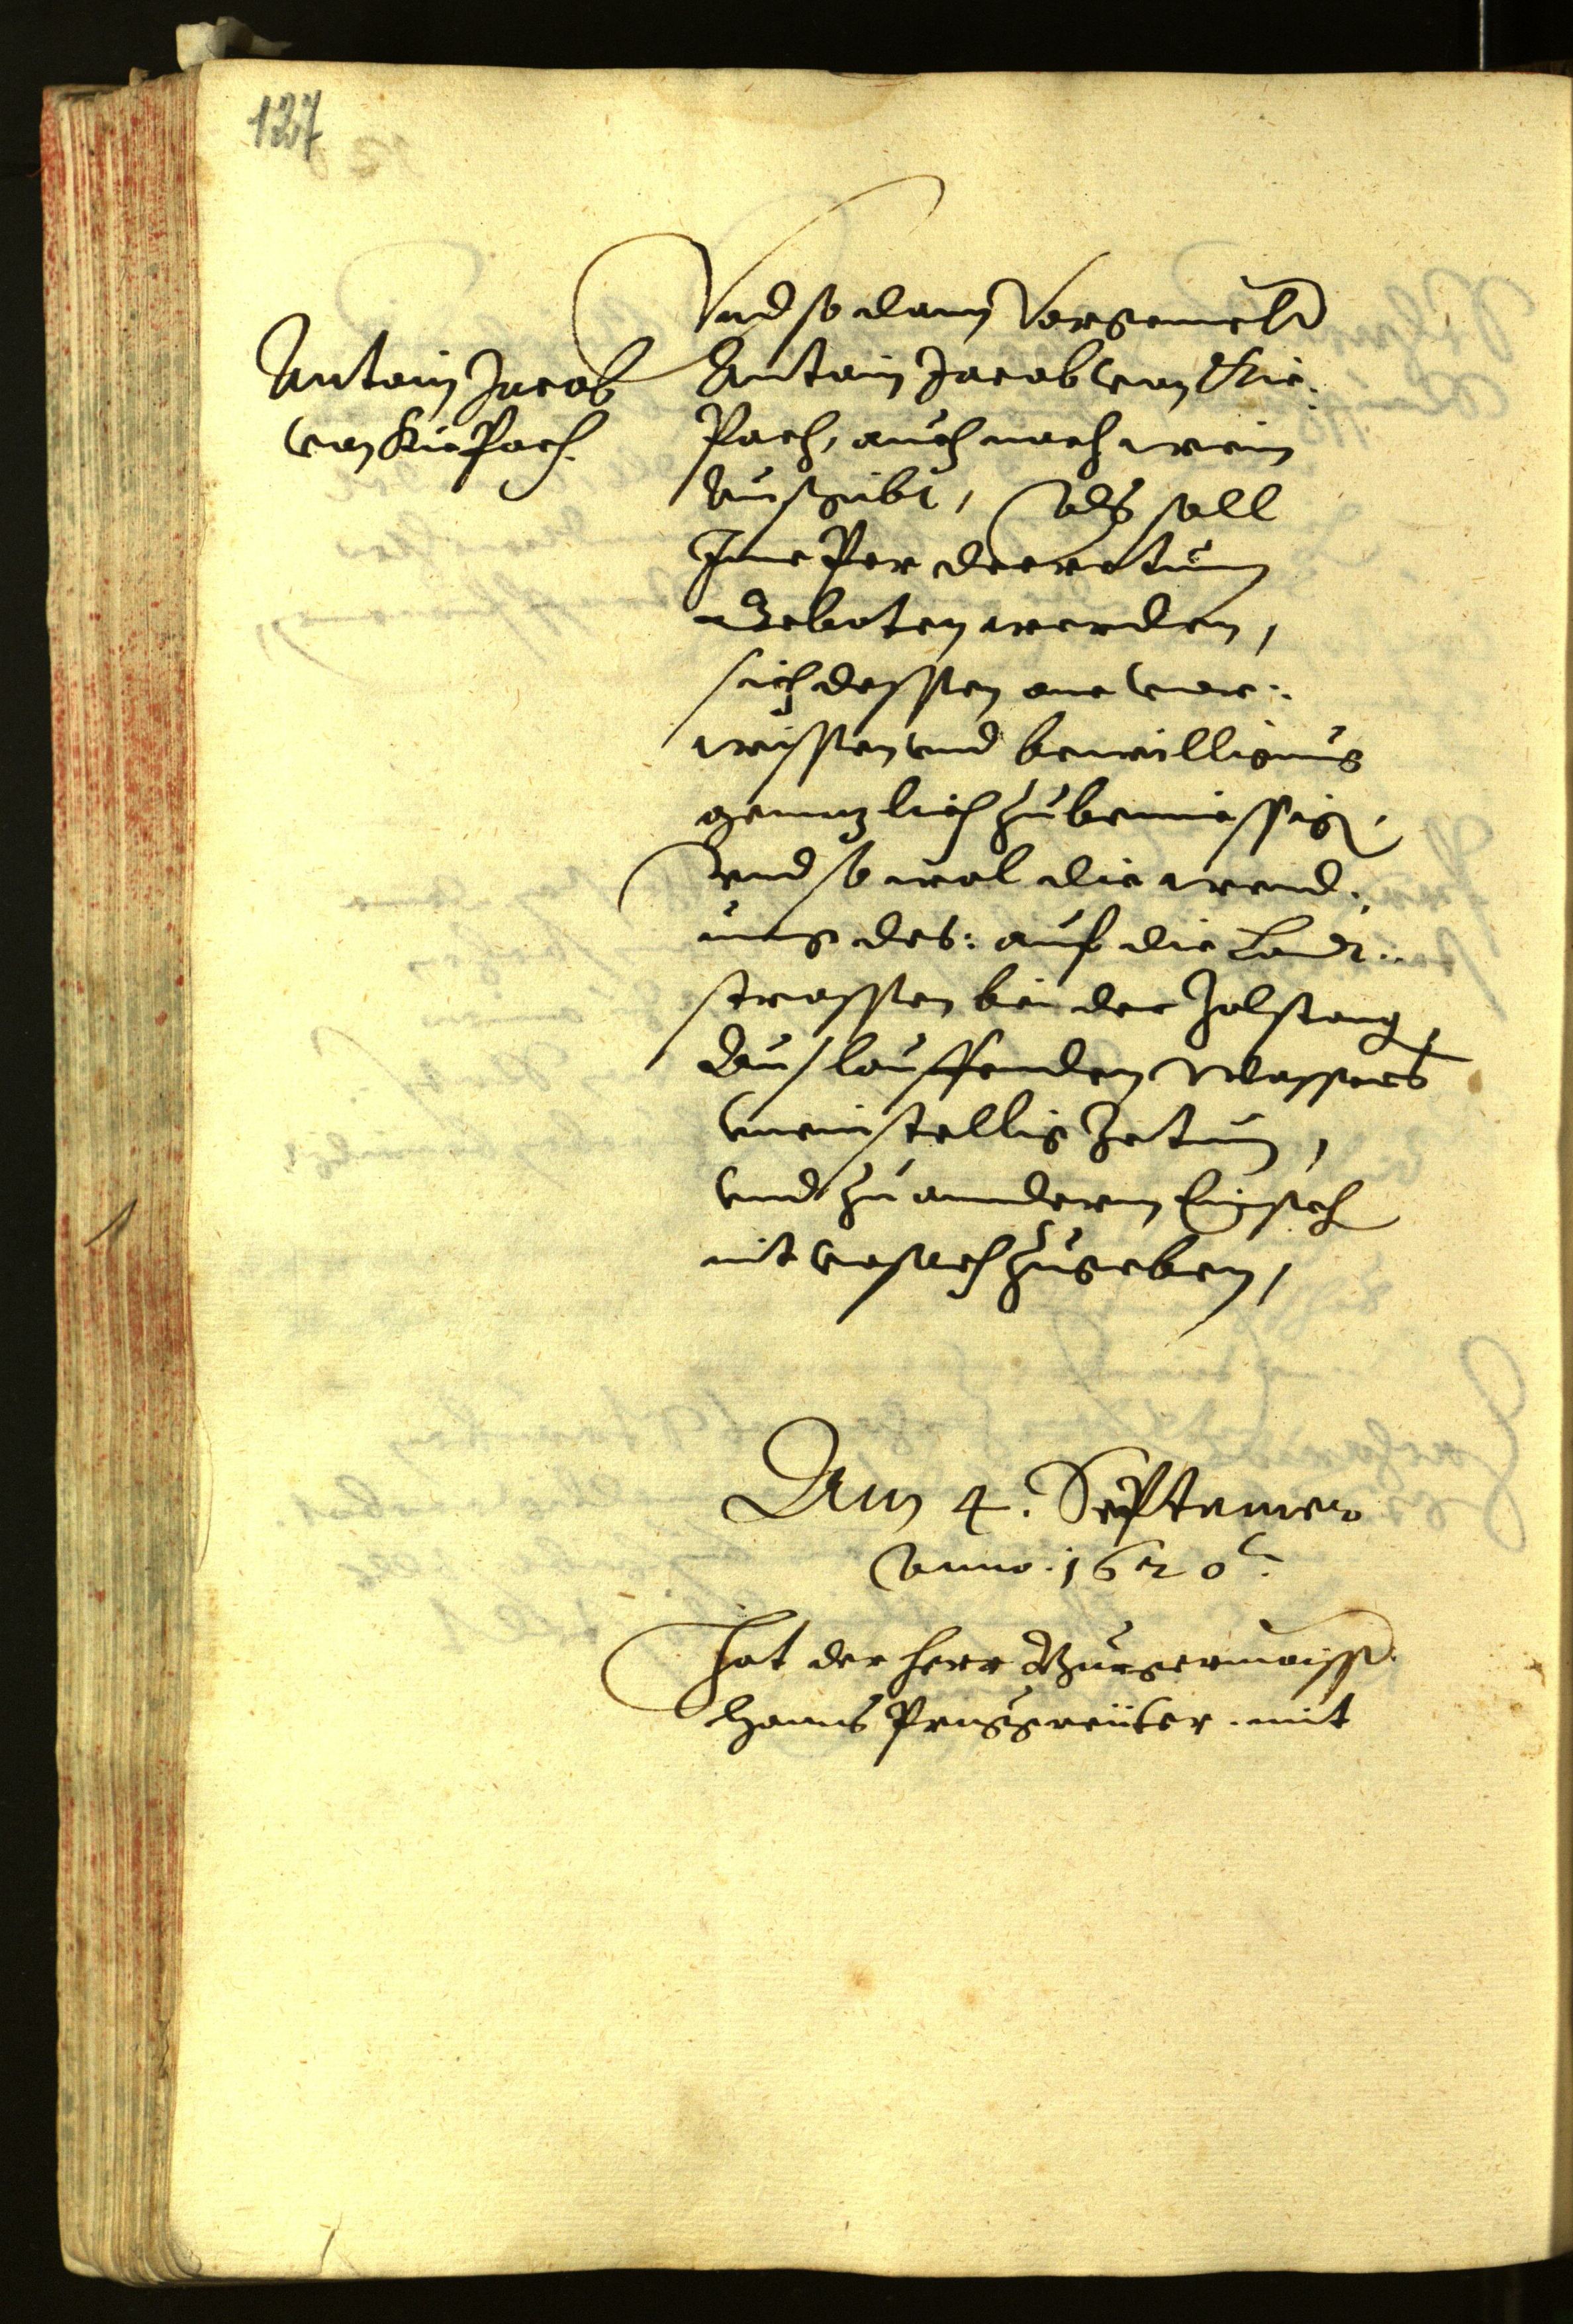127
Vnd so dann Vorgemelt
Antonj Jacob von Kie¬
Pach, aūch noch wein
Aūsgibt, Als soll
Ime Per decretūm
Geboten werden,
sich dessen one vor¬
wissen vnd bewilligūng
gennzlich Zū bemiessig.
vnd so wol die wend¬
ūng des: aūf die Landt¬
strassen bei der Zolstang
Aūslaūffenden Wassers
vneinstellig Zetūen,
vnd Zū anndern Einseh
nit vrsach Zūgeben,
Antonj Jacob
von KiePach.
Am 4. SePtemer
Anno .1620.t
Hat der herr Būrgermaisst
Hanns Prūggreüter. mit